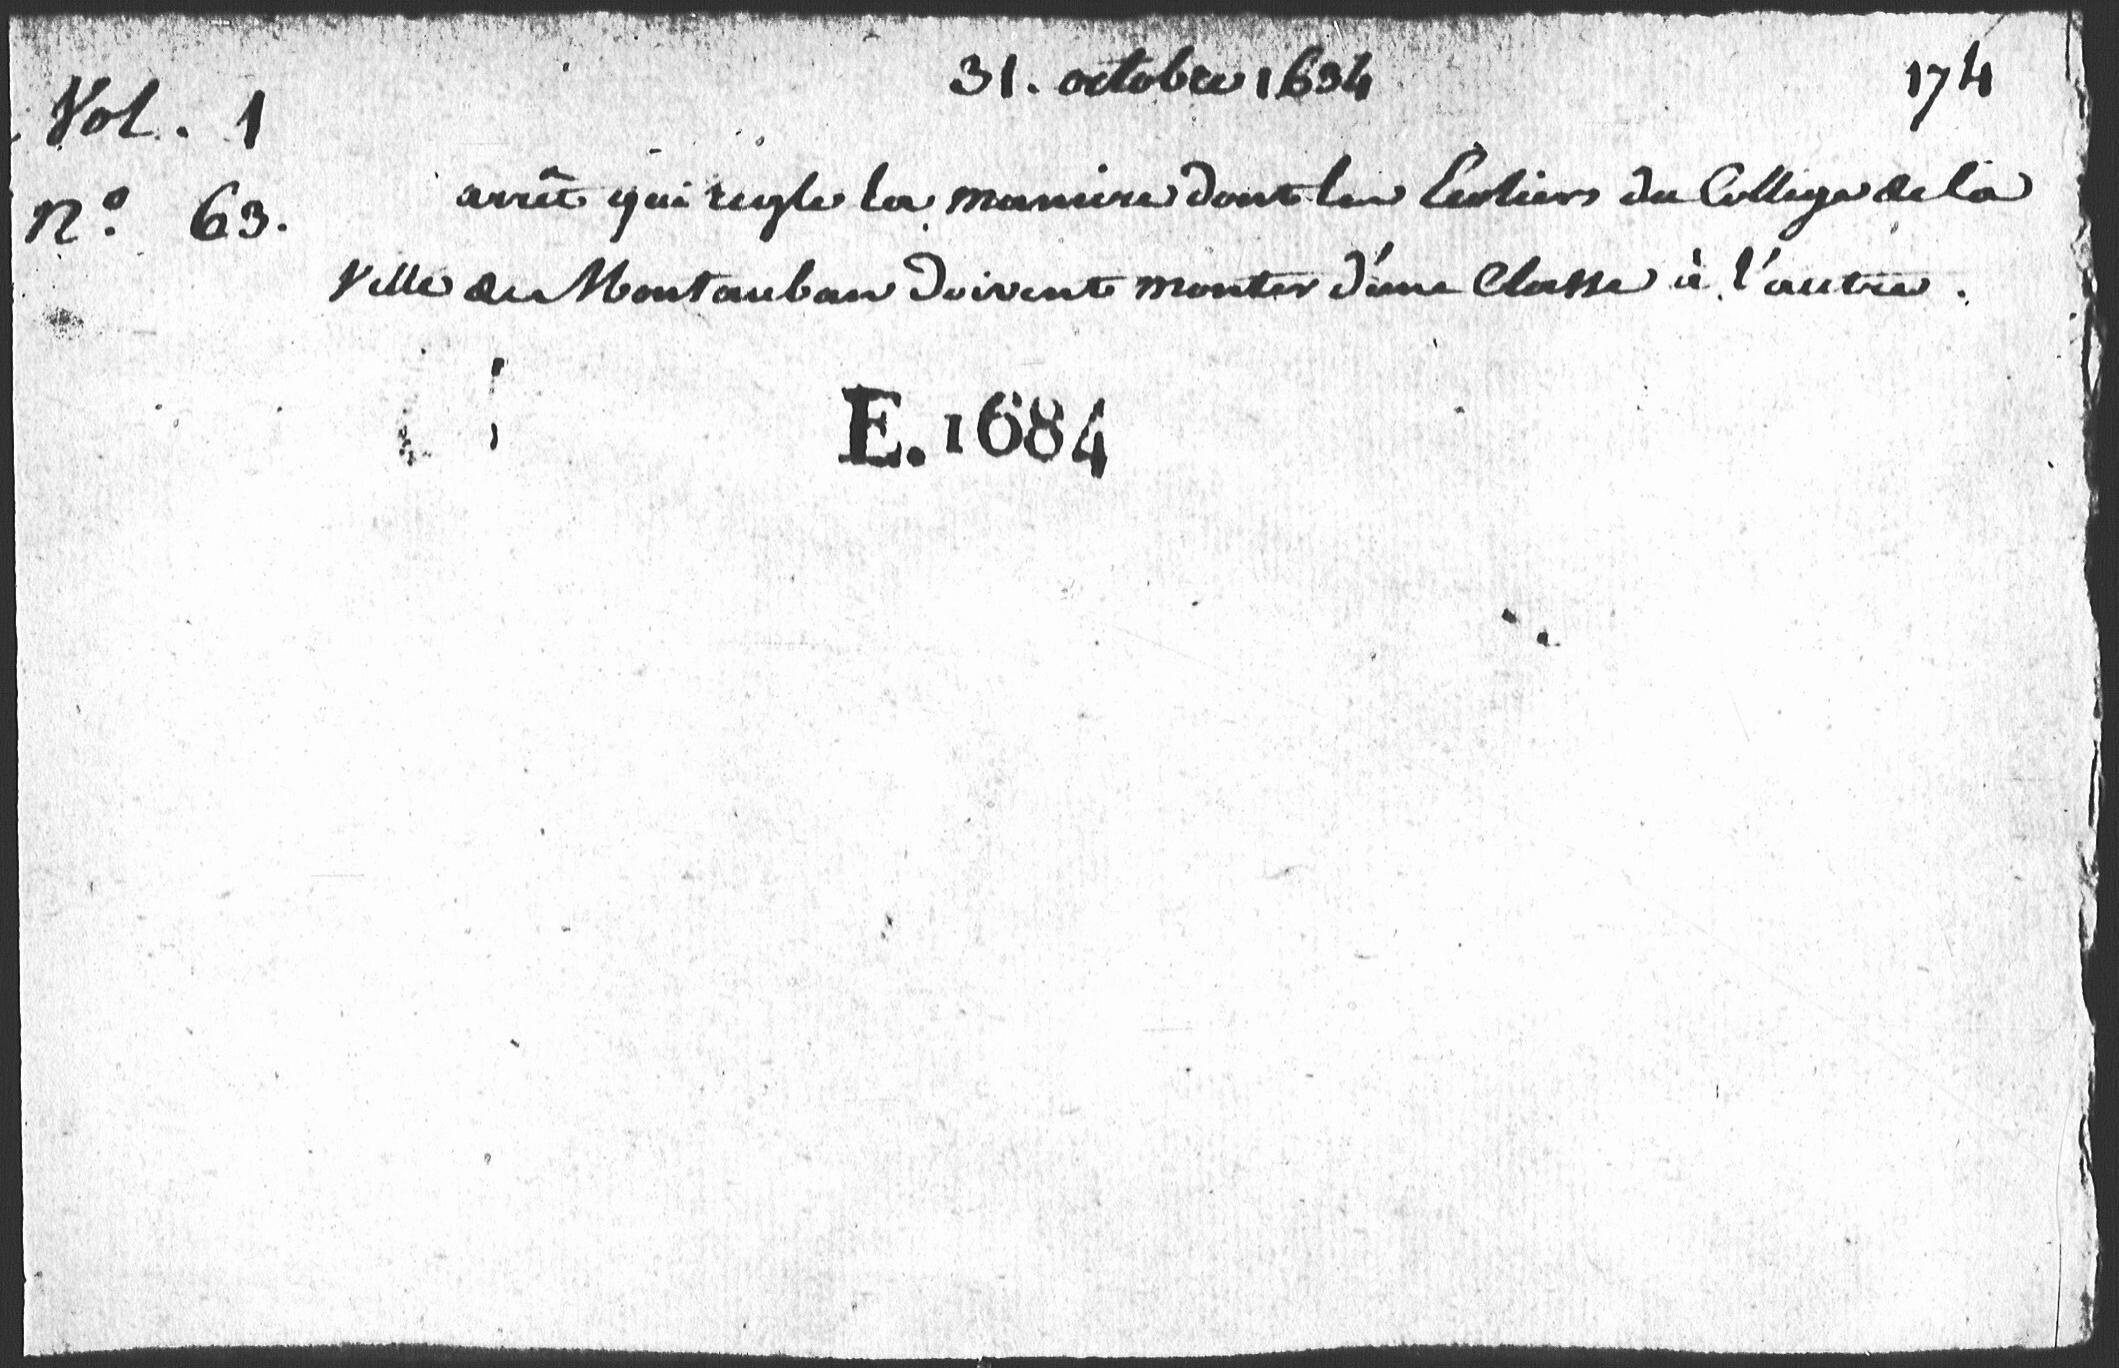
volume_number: n°63
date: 31 octobre 1634
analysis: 174
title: arrêt qui regle la maniere dont les Ecoliers du College de la Ville de Montauban doivent monter d’une classe à l’autre
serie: E
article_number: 1684
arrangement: vol. 1
